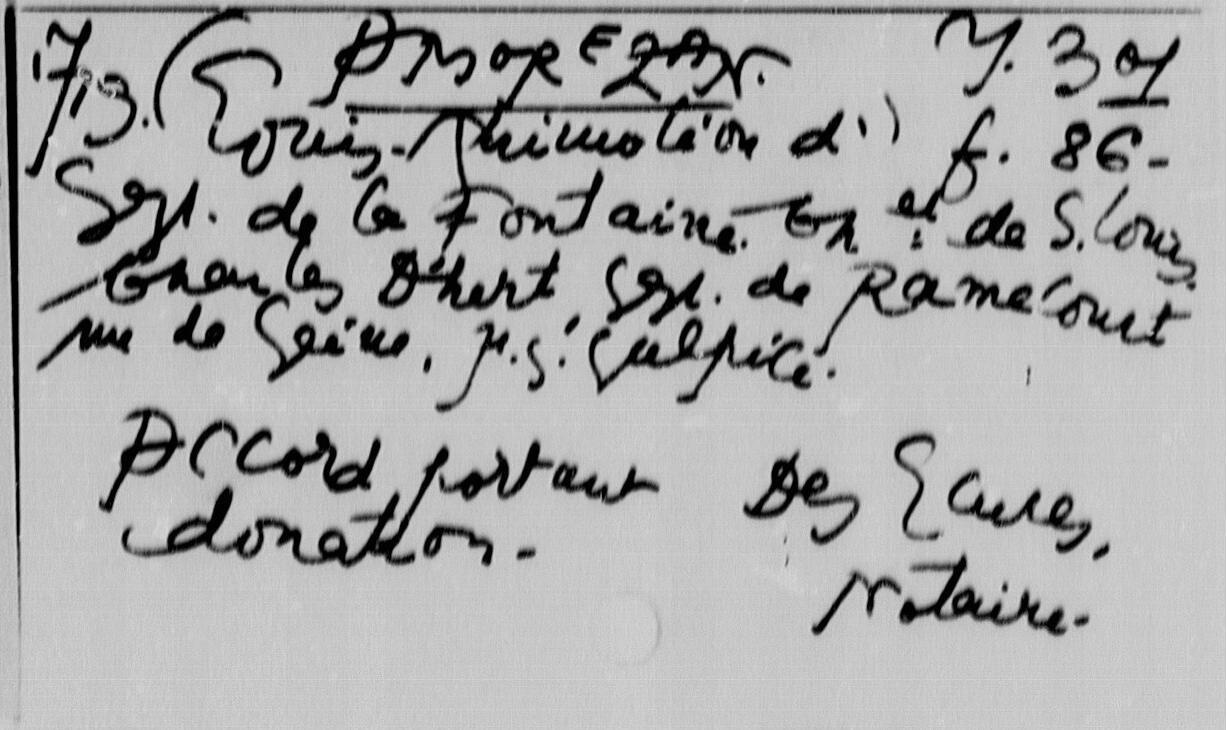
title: AMOREZAN (Louis Thimoléon d')
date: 1719
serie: Y
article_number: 301
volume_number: folio 86
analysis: Seigneur de La Fontaine, chevalier de Saint Louis Charles d'Hert, seigneur de Ramécourt, rue de Seine, paroisse Saint Sulpice Accord portant donation Des Écures, notaire
